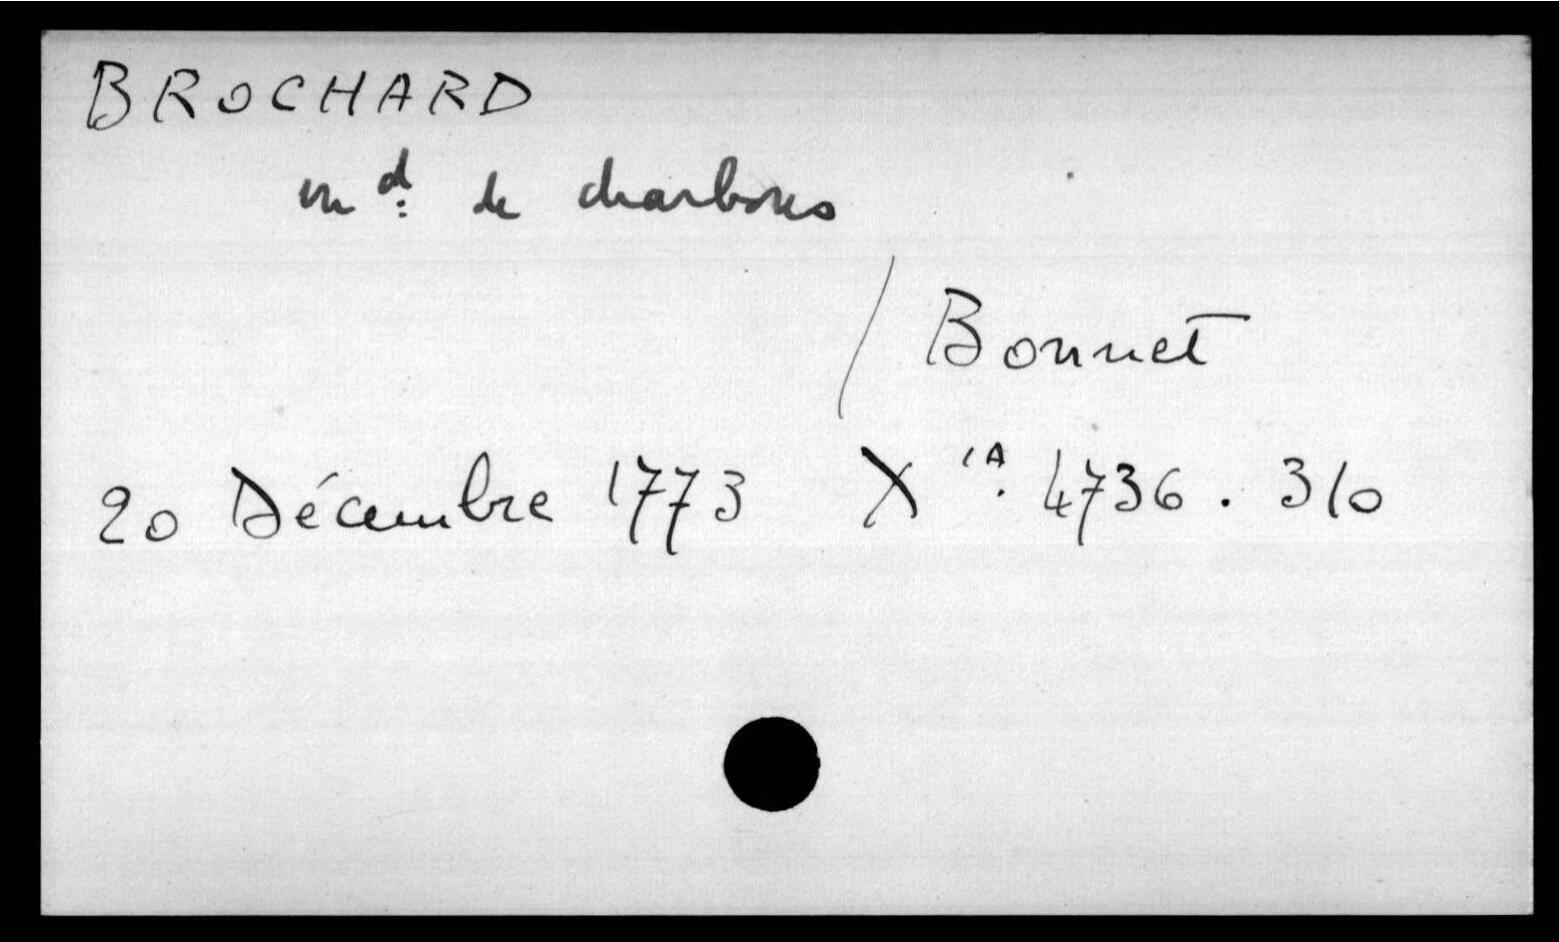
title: BROCHARD marchand de charbons
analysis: Contre Bonnet
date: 20 décembre 1773
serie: X1A
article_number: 4736
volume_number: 310
